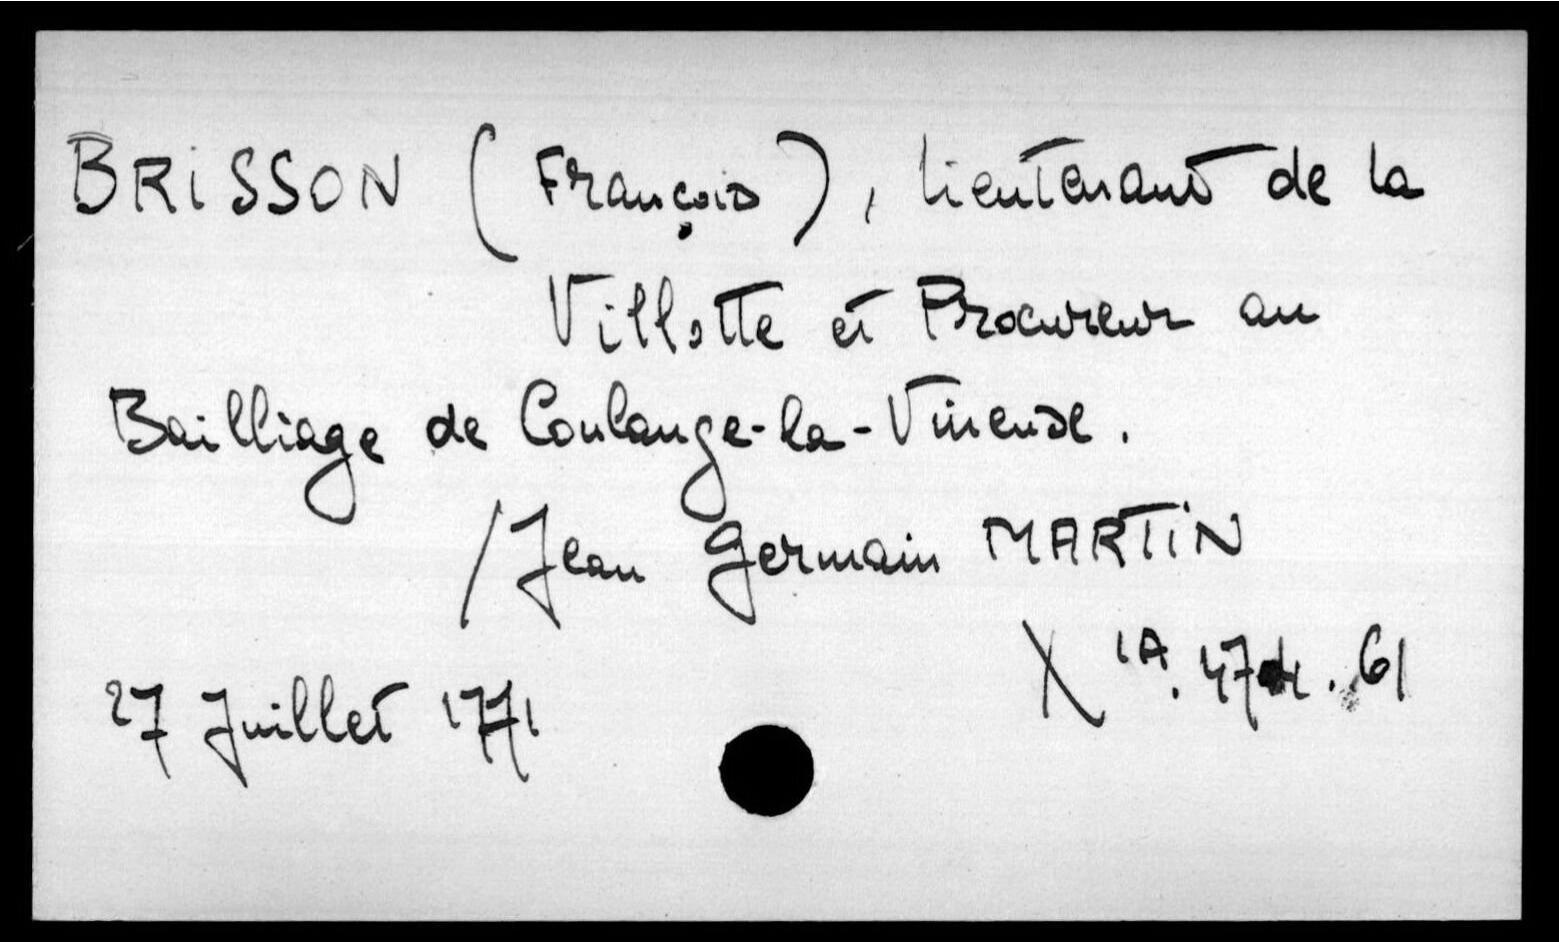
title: BRISSON (François), Lieutenant de la Villote et Procureur au Bailliage de Coulange-la Vineuse
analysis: Contre Jean Germain MARTIN
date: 27 juillet 1771
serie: X1A
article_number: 4704
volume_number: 61
